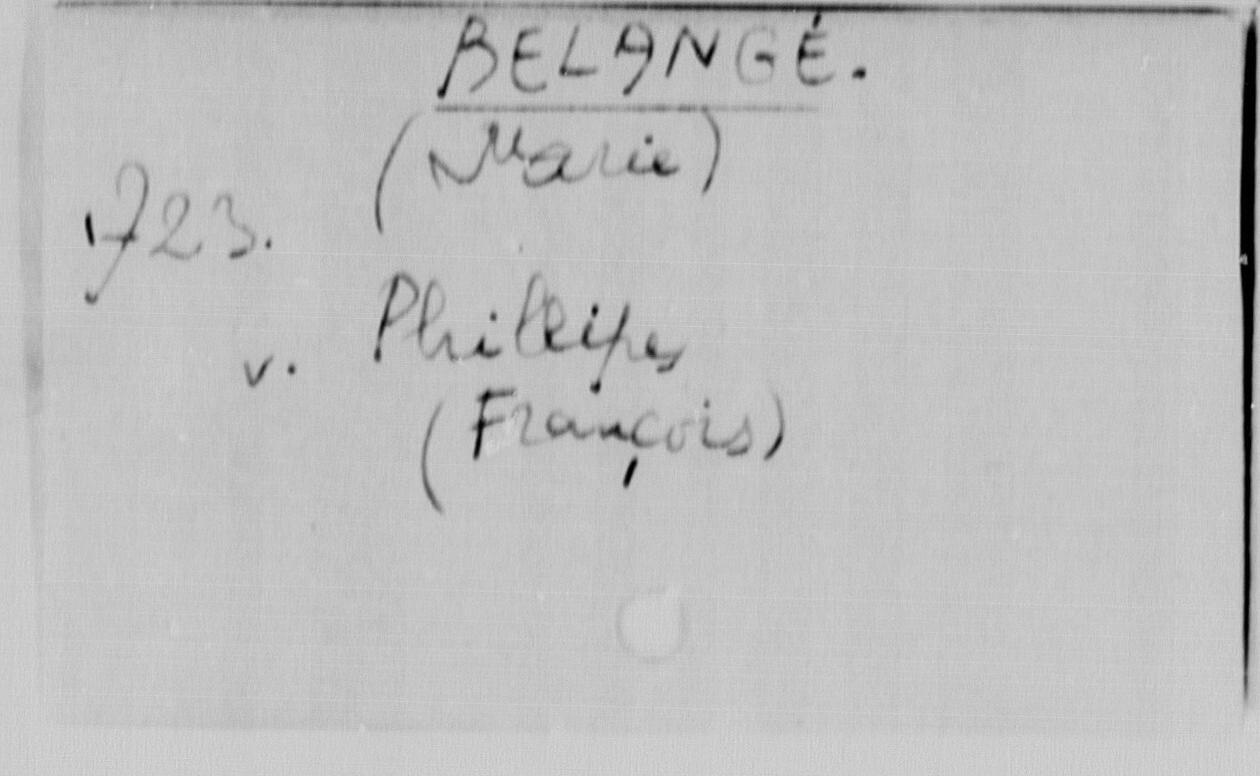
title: BELANGÉ (Marie)
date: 1723
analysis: Voir Phillipes (François)
